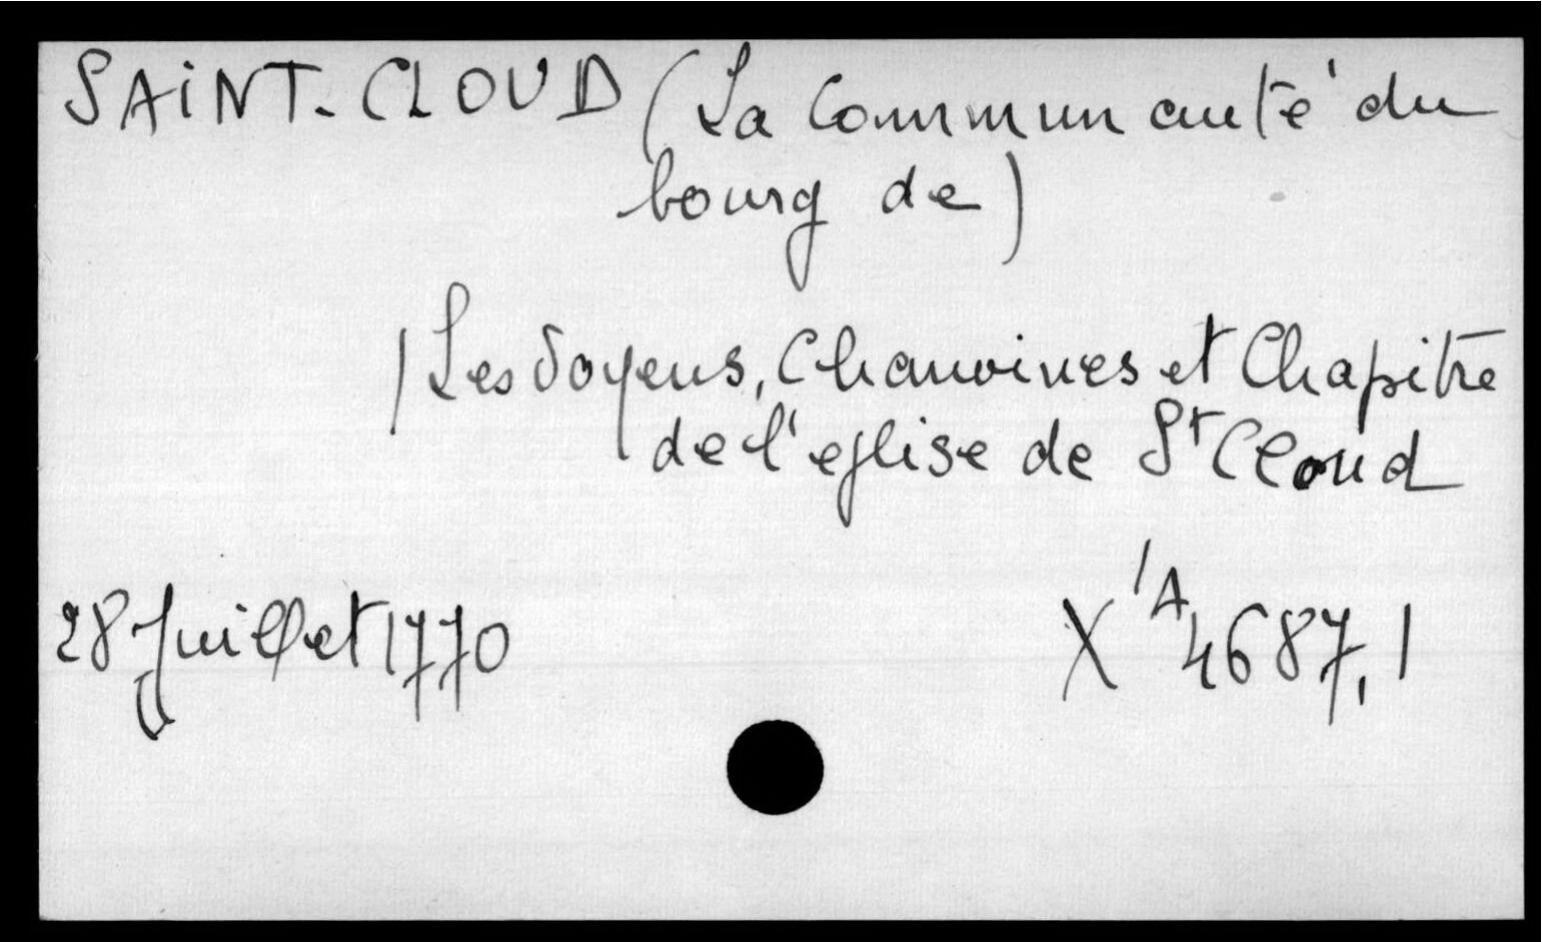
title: SAINT-CLOUD (La communauté du bourg de)
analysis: Contre Les doyens, Chanoines et chapitre de l'église de Saint-Cloud
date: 28 juillet 1770
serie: X1A
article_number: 4687
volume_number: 1
